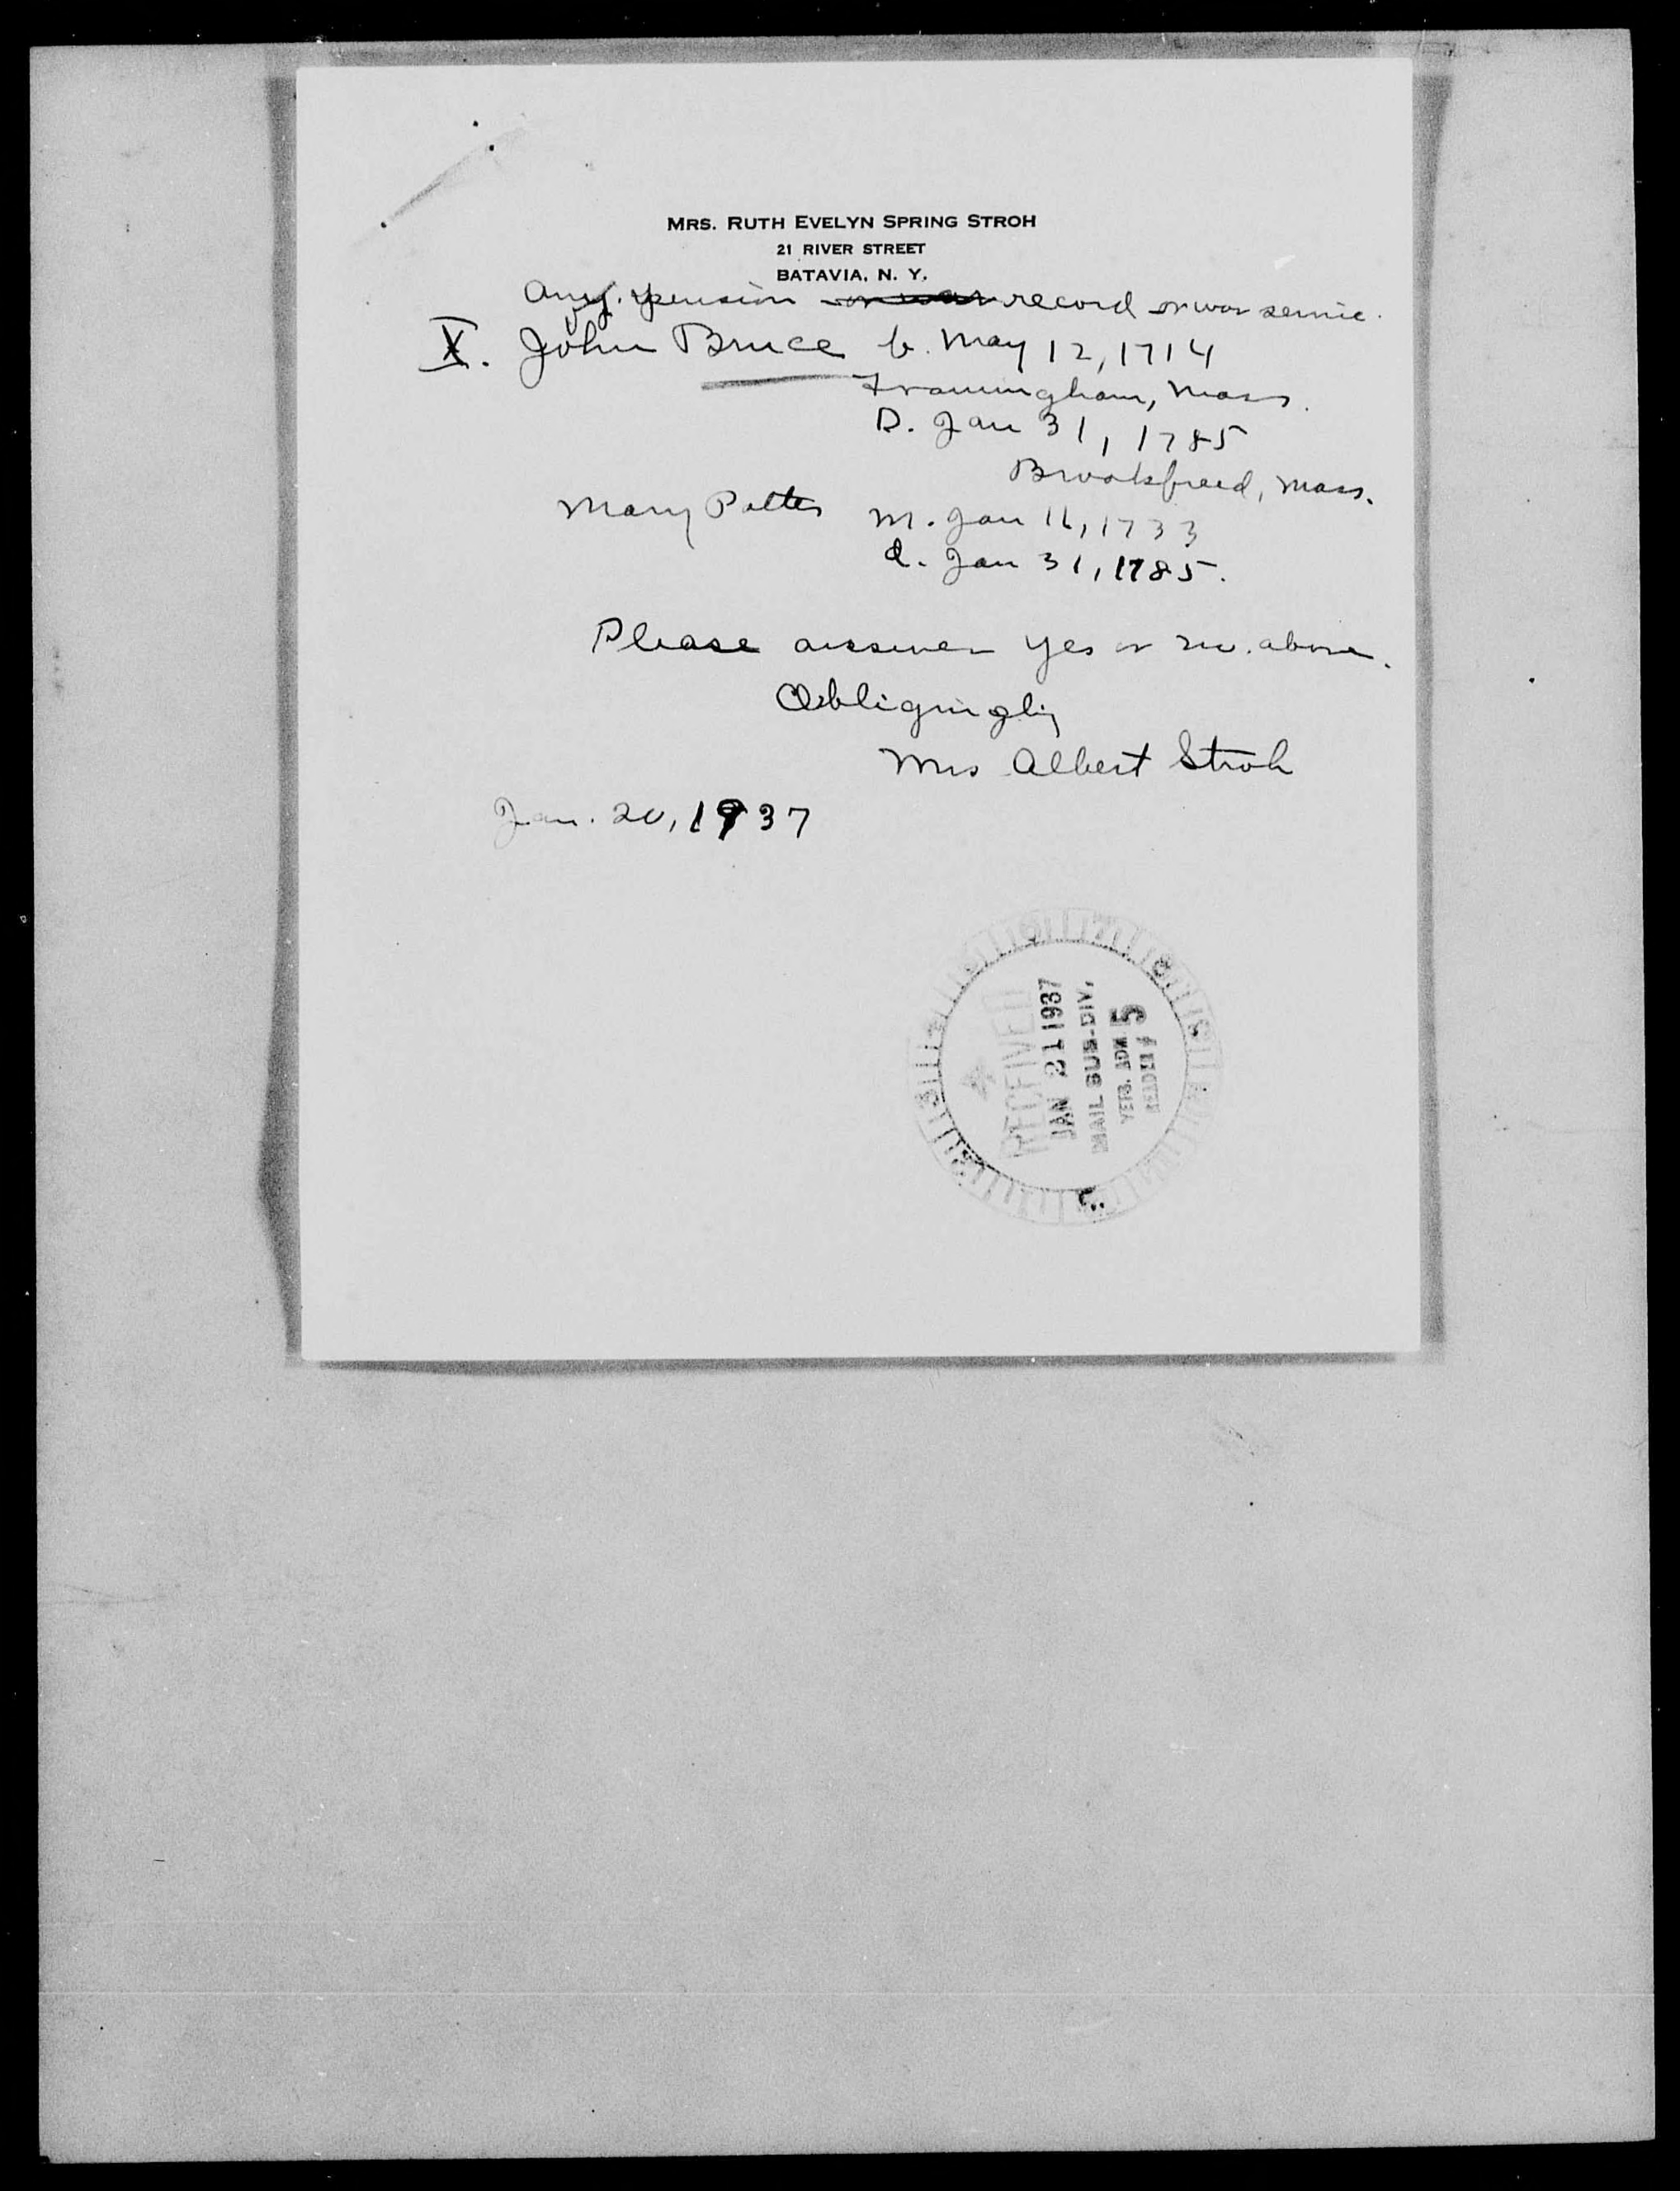MRS. RUTH EVELYN SPRING STROH
21 RIVER STREET
BATAVIA, N. Y.

Any pension [illegible stricken out] record or war service

X.  John Bruce [underlined] b. May 12, 1714
Framingham, Mass.
D.  Jan 31, 1785  Brookfreed, Mass.

Mary Potter  M.  Jan 16, 1733
d.  jan 31, 1785.

Please answer Yes or No above.

Obligingly
Mrs Albert Stroh

Jan. 20, 1937

[stamp]
RECEIVED
JAN 21 1937
MAIL BUS. DIV.
YETS. ADM.
READER # 5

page: 14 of 14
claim: survivor's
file: S. 22943, for Asa Putney, New Hampshire